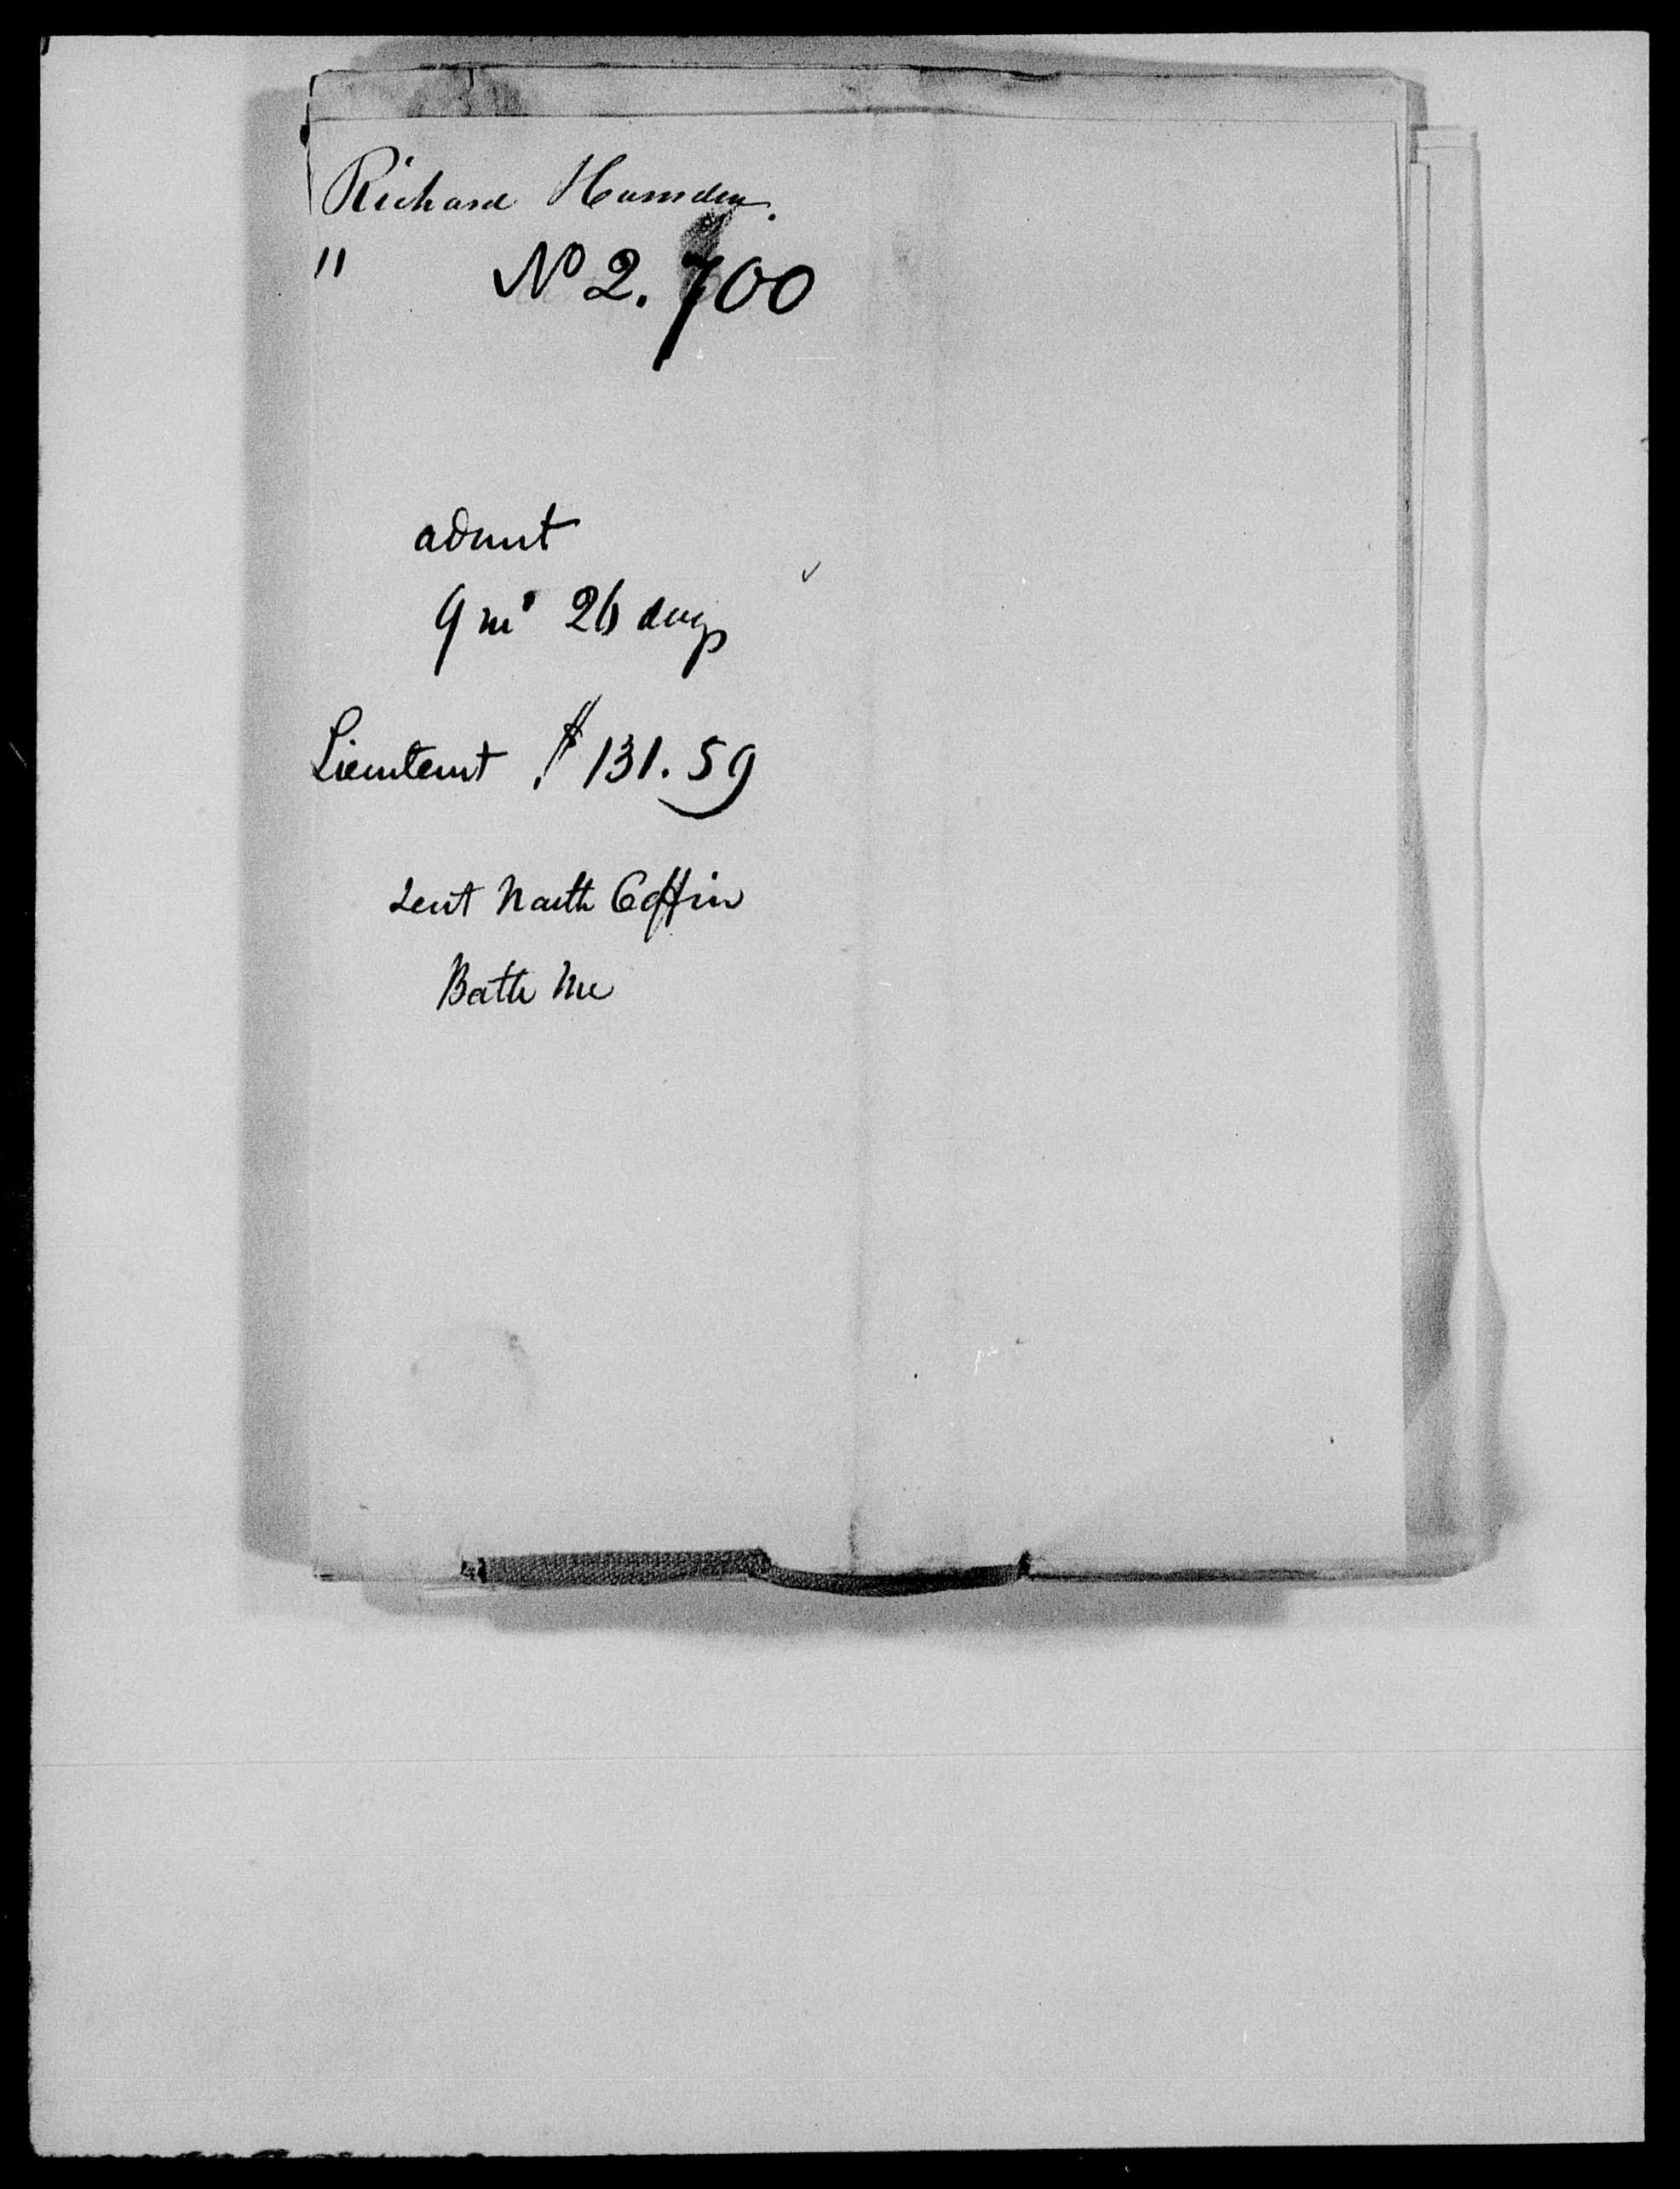Richard Harnden
No. 2. 700
about
9 m' 26 days
Lieutenant $131.59
[illegible] Nath Coffin
Bath Me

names: Naeth Coffin, Richard Harnden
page: 4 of 10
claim: survivor's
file: S. 29,195, Richard Harnden, Mass.